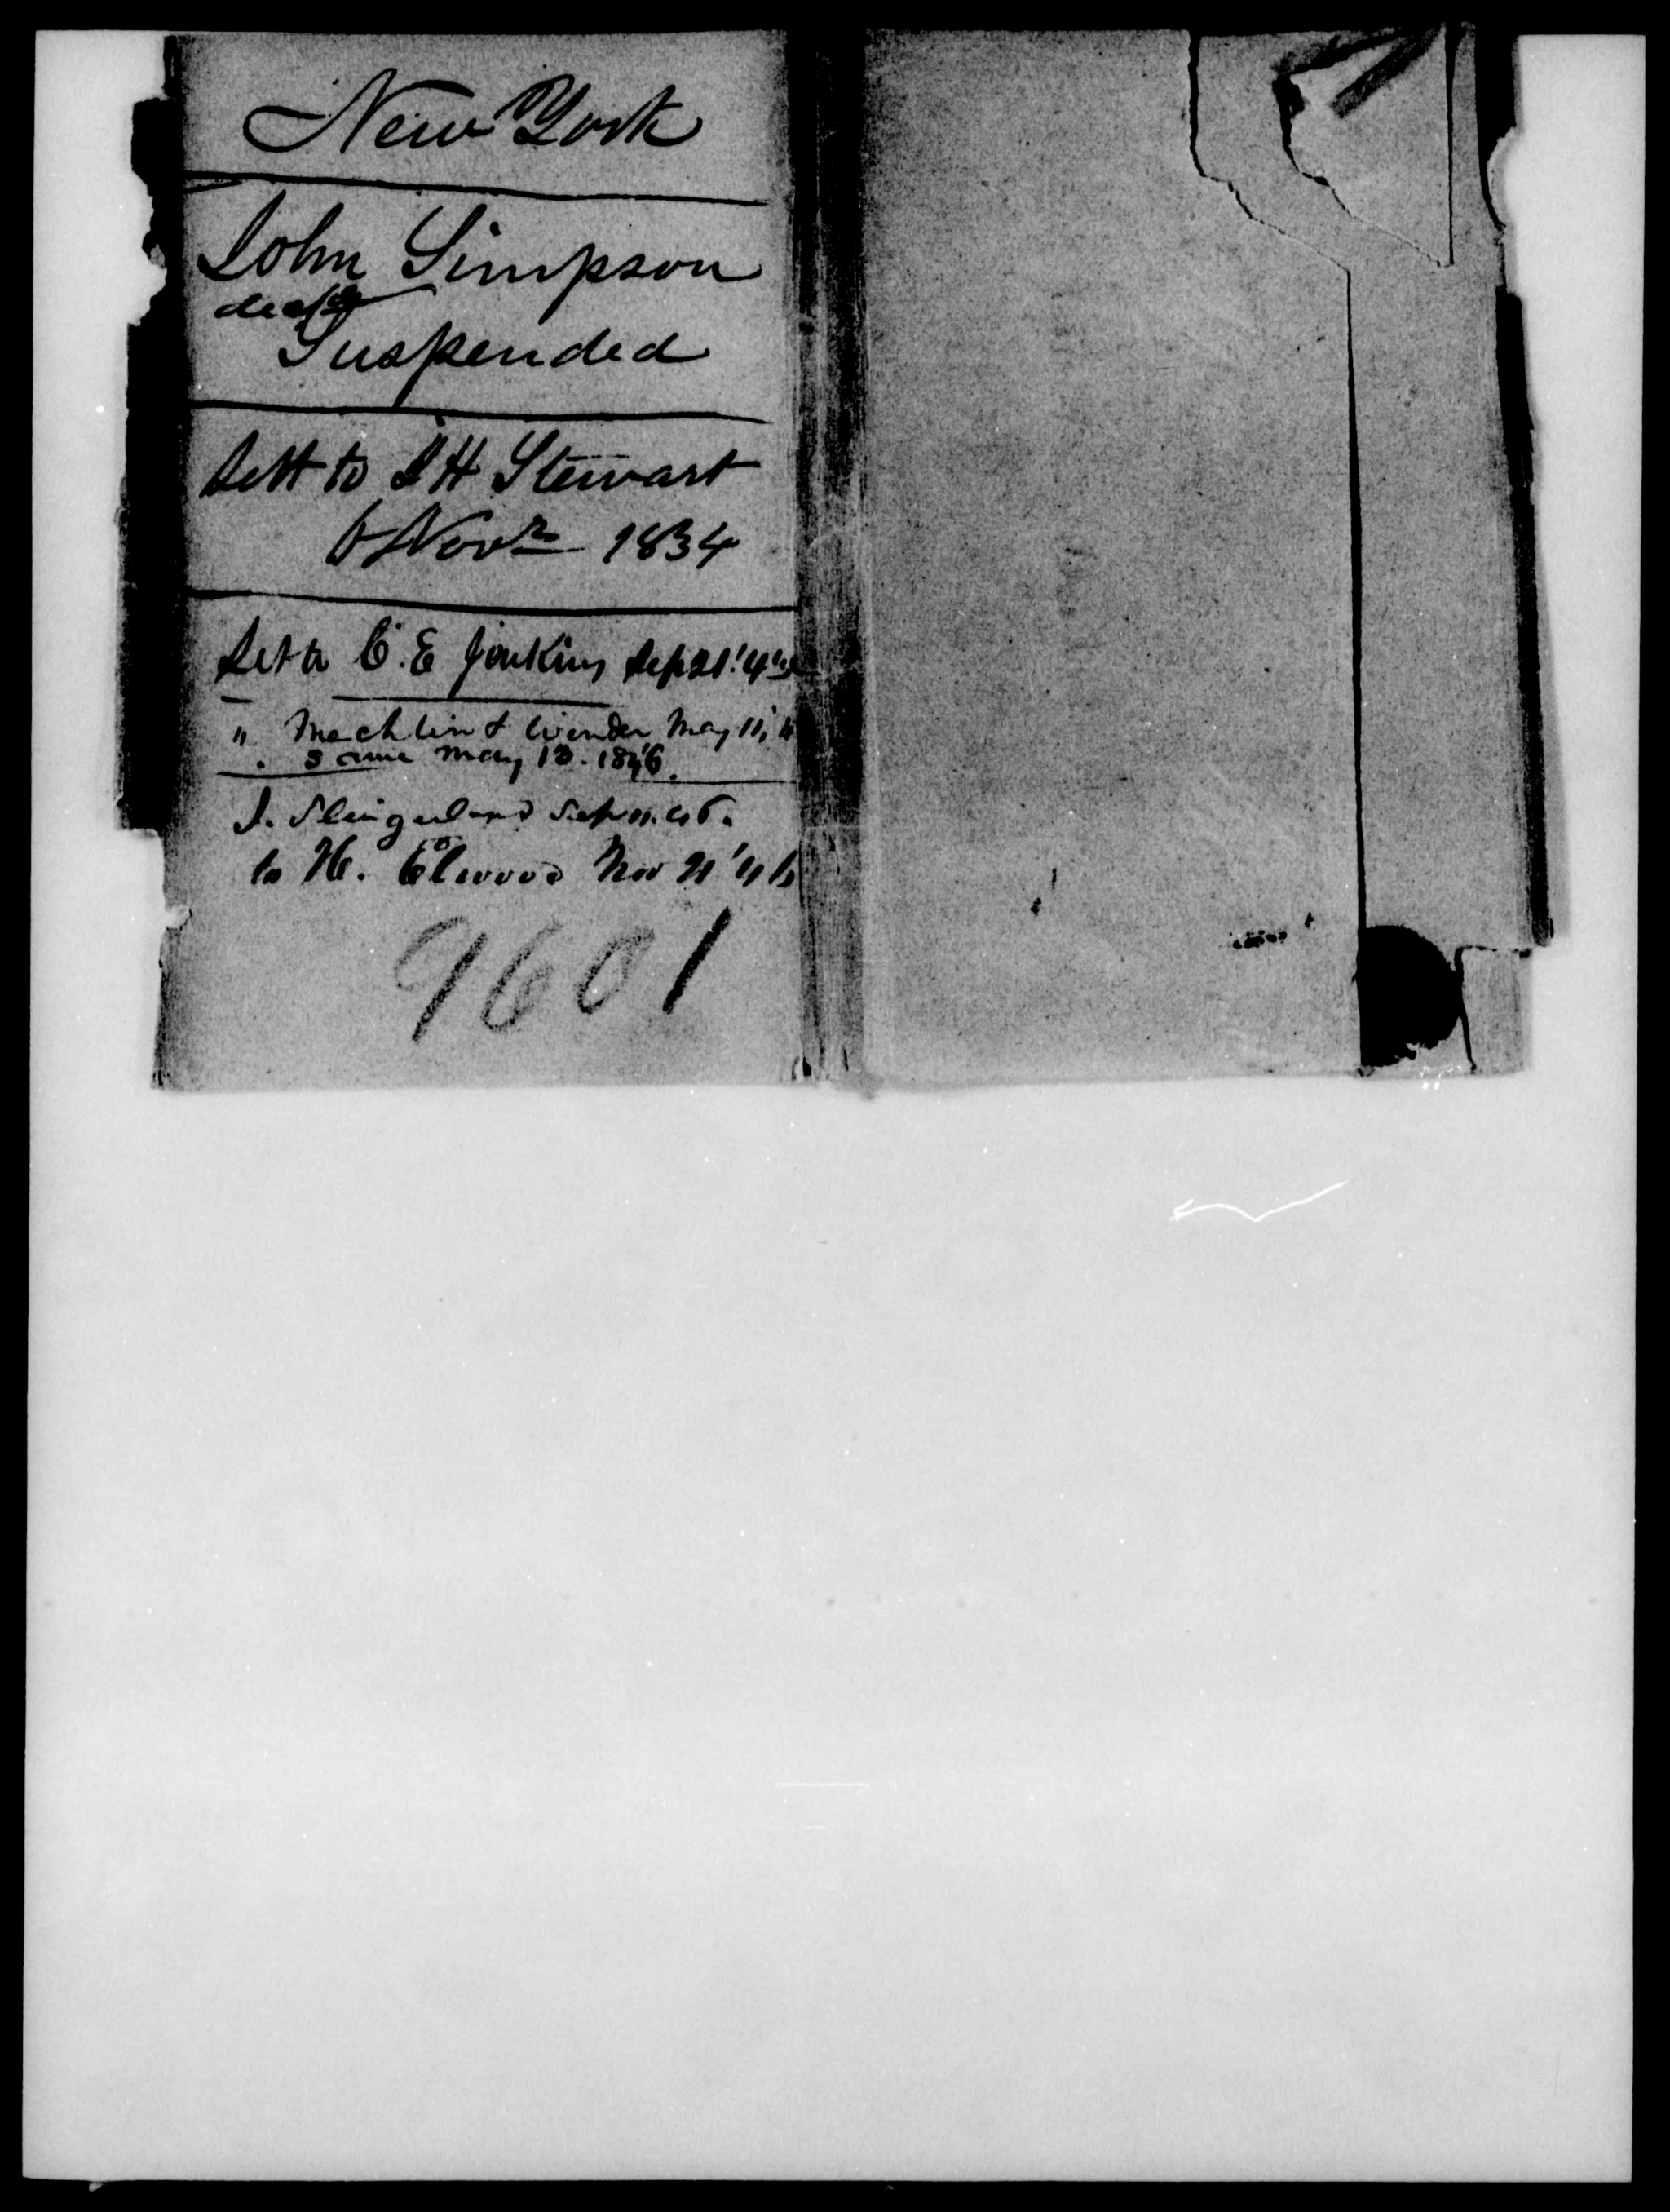New York
John Simpson decd Suspended
Sent to J H Stewart 6 Novr. 1834
Sent to C. E. Jenkins Dep 21. '45
Sent to Mechlin & Wender May 11, '4[second digit cut off]
Sent to same May 13. 1846.
J. Slingerland Sep 11 46.
to H. Elwood Nov 21 '46
9601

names: H Elwood; C E Jenkins; J Slingerland; J H Stewart; John Simpson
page: 15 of 35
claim: rejected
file: R. 9601, for John Simson, New Jersey